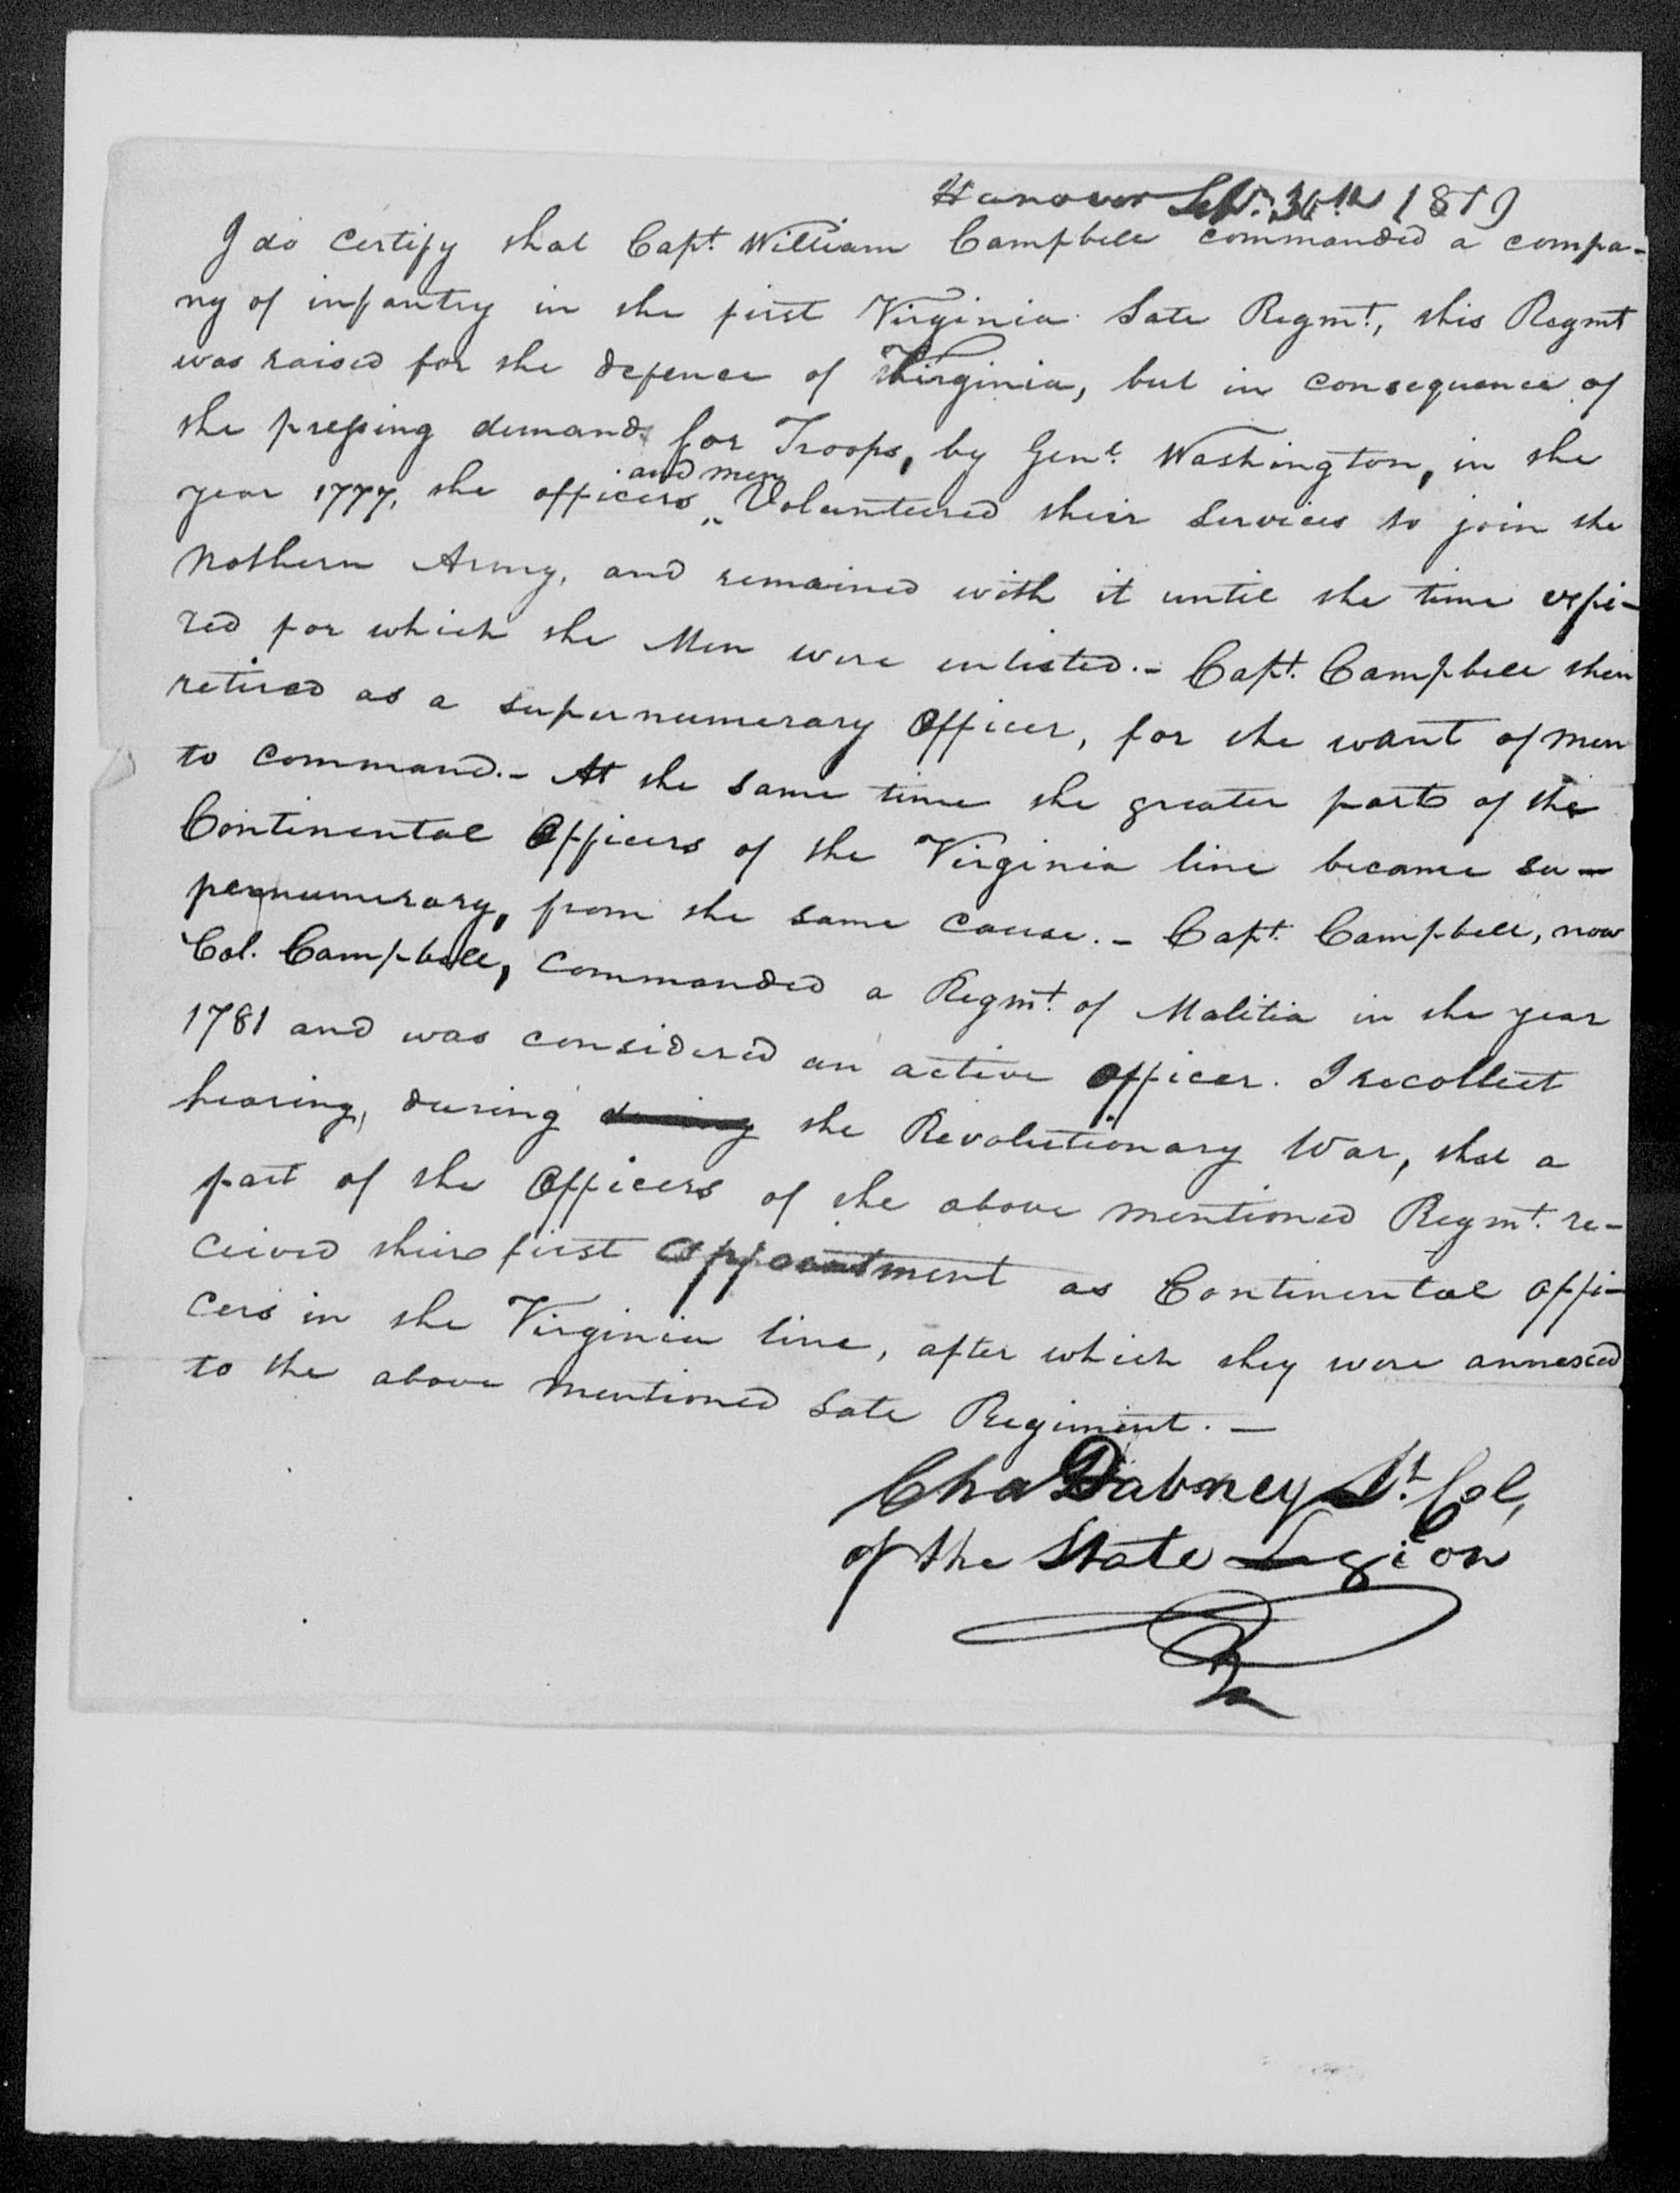Hanover Septr. 30th 1819
I do Certify that Capt. William Campbell commanded a company of infantry in the first Virginia State Regmt, this Regmt was raised for the defence of Virginia, but in consequence of the pressing demand for Troops, by Genl. Washington, in the year 1777, the officers and men Volunteered their Services to join the Northern Army, and remained with it until the time expired for which the Men were enlisted.- Capt. Campbell then retired as a supernumerary Officer, for the want of men to command.- At the same time the greater part of the Continental Officers of the Virginia line became supernumerary, from the same cause.- Capt. Campbell, now Col. Campbell, commanded a Regmt. of Malitia in the year 1781 and was considered an active Officer. I recollect hearing, during the Revolutionary War, that a part of the Officers of the above mentioned Regmt. received their first appointment as Continental Officers in the Virginia line, after which they were annexed to the above mentioned Late Regiment.-
Chas Dabney Lt. Col,
of the State Legion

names: William Campbell, Campbell, Campbell, Cha Dabney, Campbell, Washington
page: 143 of 267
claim: widow's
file: W. 4,149, William Campbell, Va.